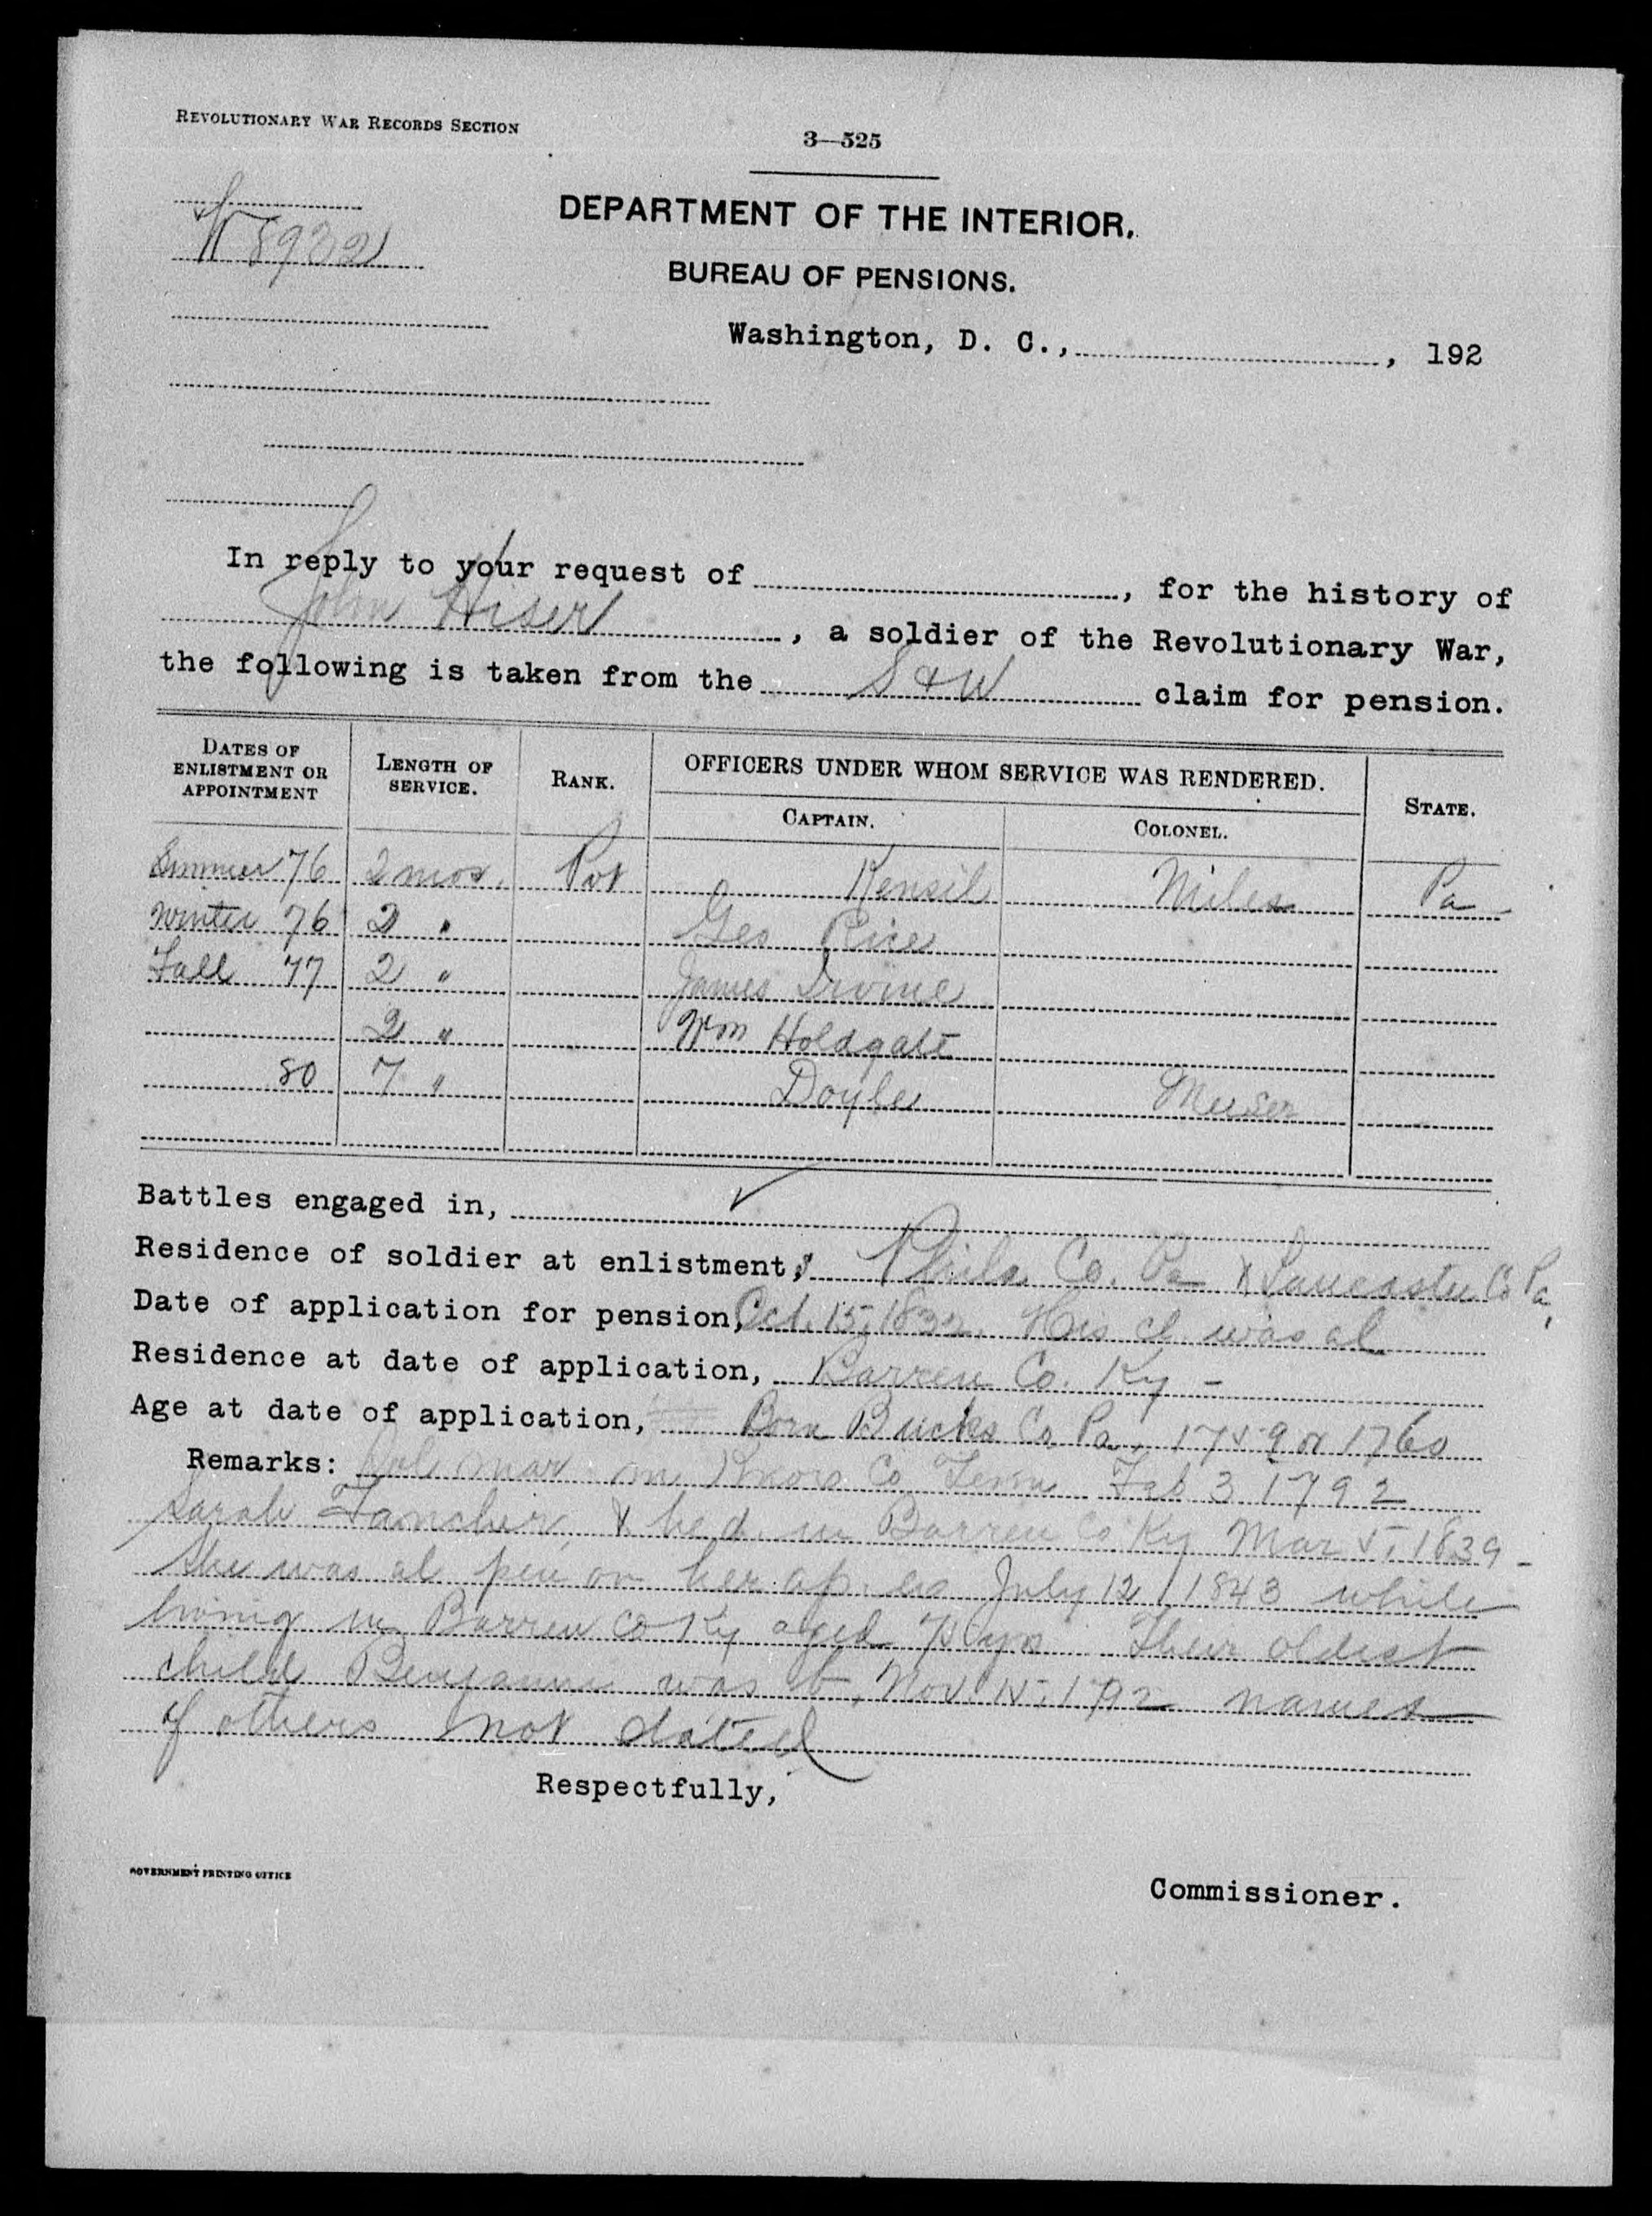Revolutionary War Records Section
3-525                         W89321
DEPARTMENT OF THE INTERIOR.
Bureau of Pensions.
Washington, D. C., ................., 192

In reply of your request of ..........., for the history of John Hiser, a soldier of the Revolutionary War, the following is taken from the S & W claim for pension.

Dates of enlistment    Length of Service  Rank
or appointment
Summer 76                   2 mos.                    Pvt
Winter 76                      2 mos.
Fall 77                            2 mos.
                                       2 mos.
       80                           7 mos.

Officers under whom Service       State
was Rendered.                                 Pa.
Captain                           Colonel
Kensil                              Miles       {summer 76}
Geo Rice                                         {winter 76}
James Irvine                                   {fall 77}
Wm Holdgate        
Doyle                              Merser      {80}

Battles engaged in, {checked}
Residence of soldier at enlistment, Phila. Co. Pa & Lancaster Co Pa.
Date of application for pension, October 15, 1832, His cl. was al.
Residence at date of application, Barren Co. Ky-
Age at date of application, Born Bucks Co. Pa. 1759 or 1760
Remarks:  Sol. mar. in Knox Co Tenn Feb 3 1792 Sarah Tancher & he d. in Barren County Ky Mar 5, 1839.  She was al. pen. on her ap. in July 12 1843 while living in Barren Co Ky aged 70 yrs.  Their oldest child Benjamin was b. Nov 15 1792 names of others not dated
                       Respectfully,
                                      Commissioner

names: James Irvine, Miles, Benjamin, Sarah Tancher, Kensil, Wm Holdgate, Merser, Geo Rice, John Hiser, Doyle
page: 12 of 58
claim: widow's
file: W. 8932, John Hiser, Penn.